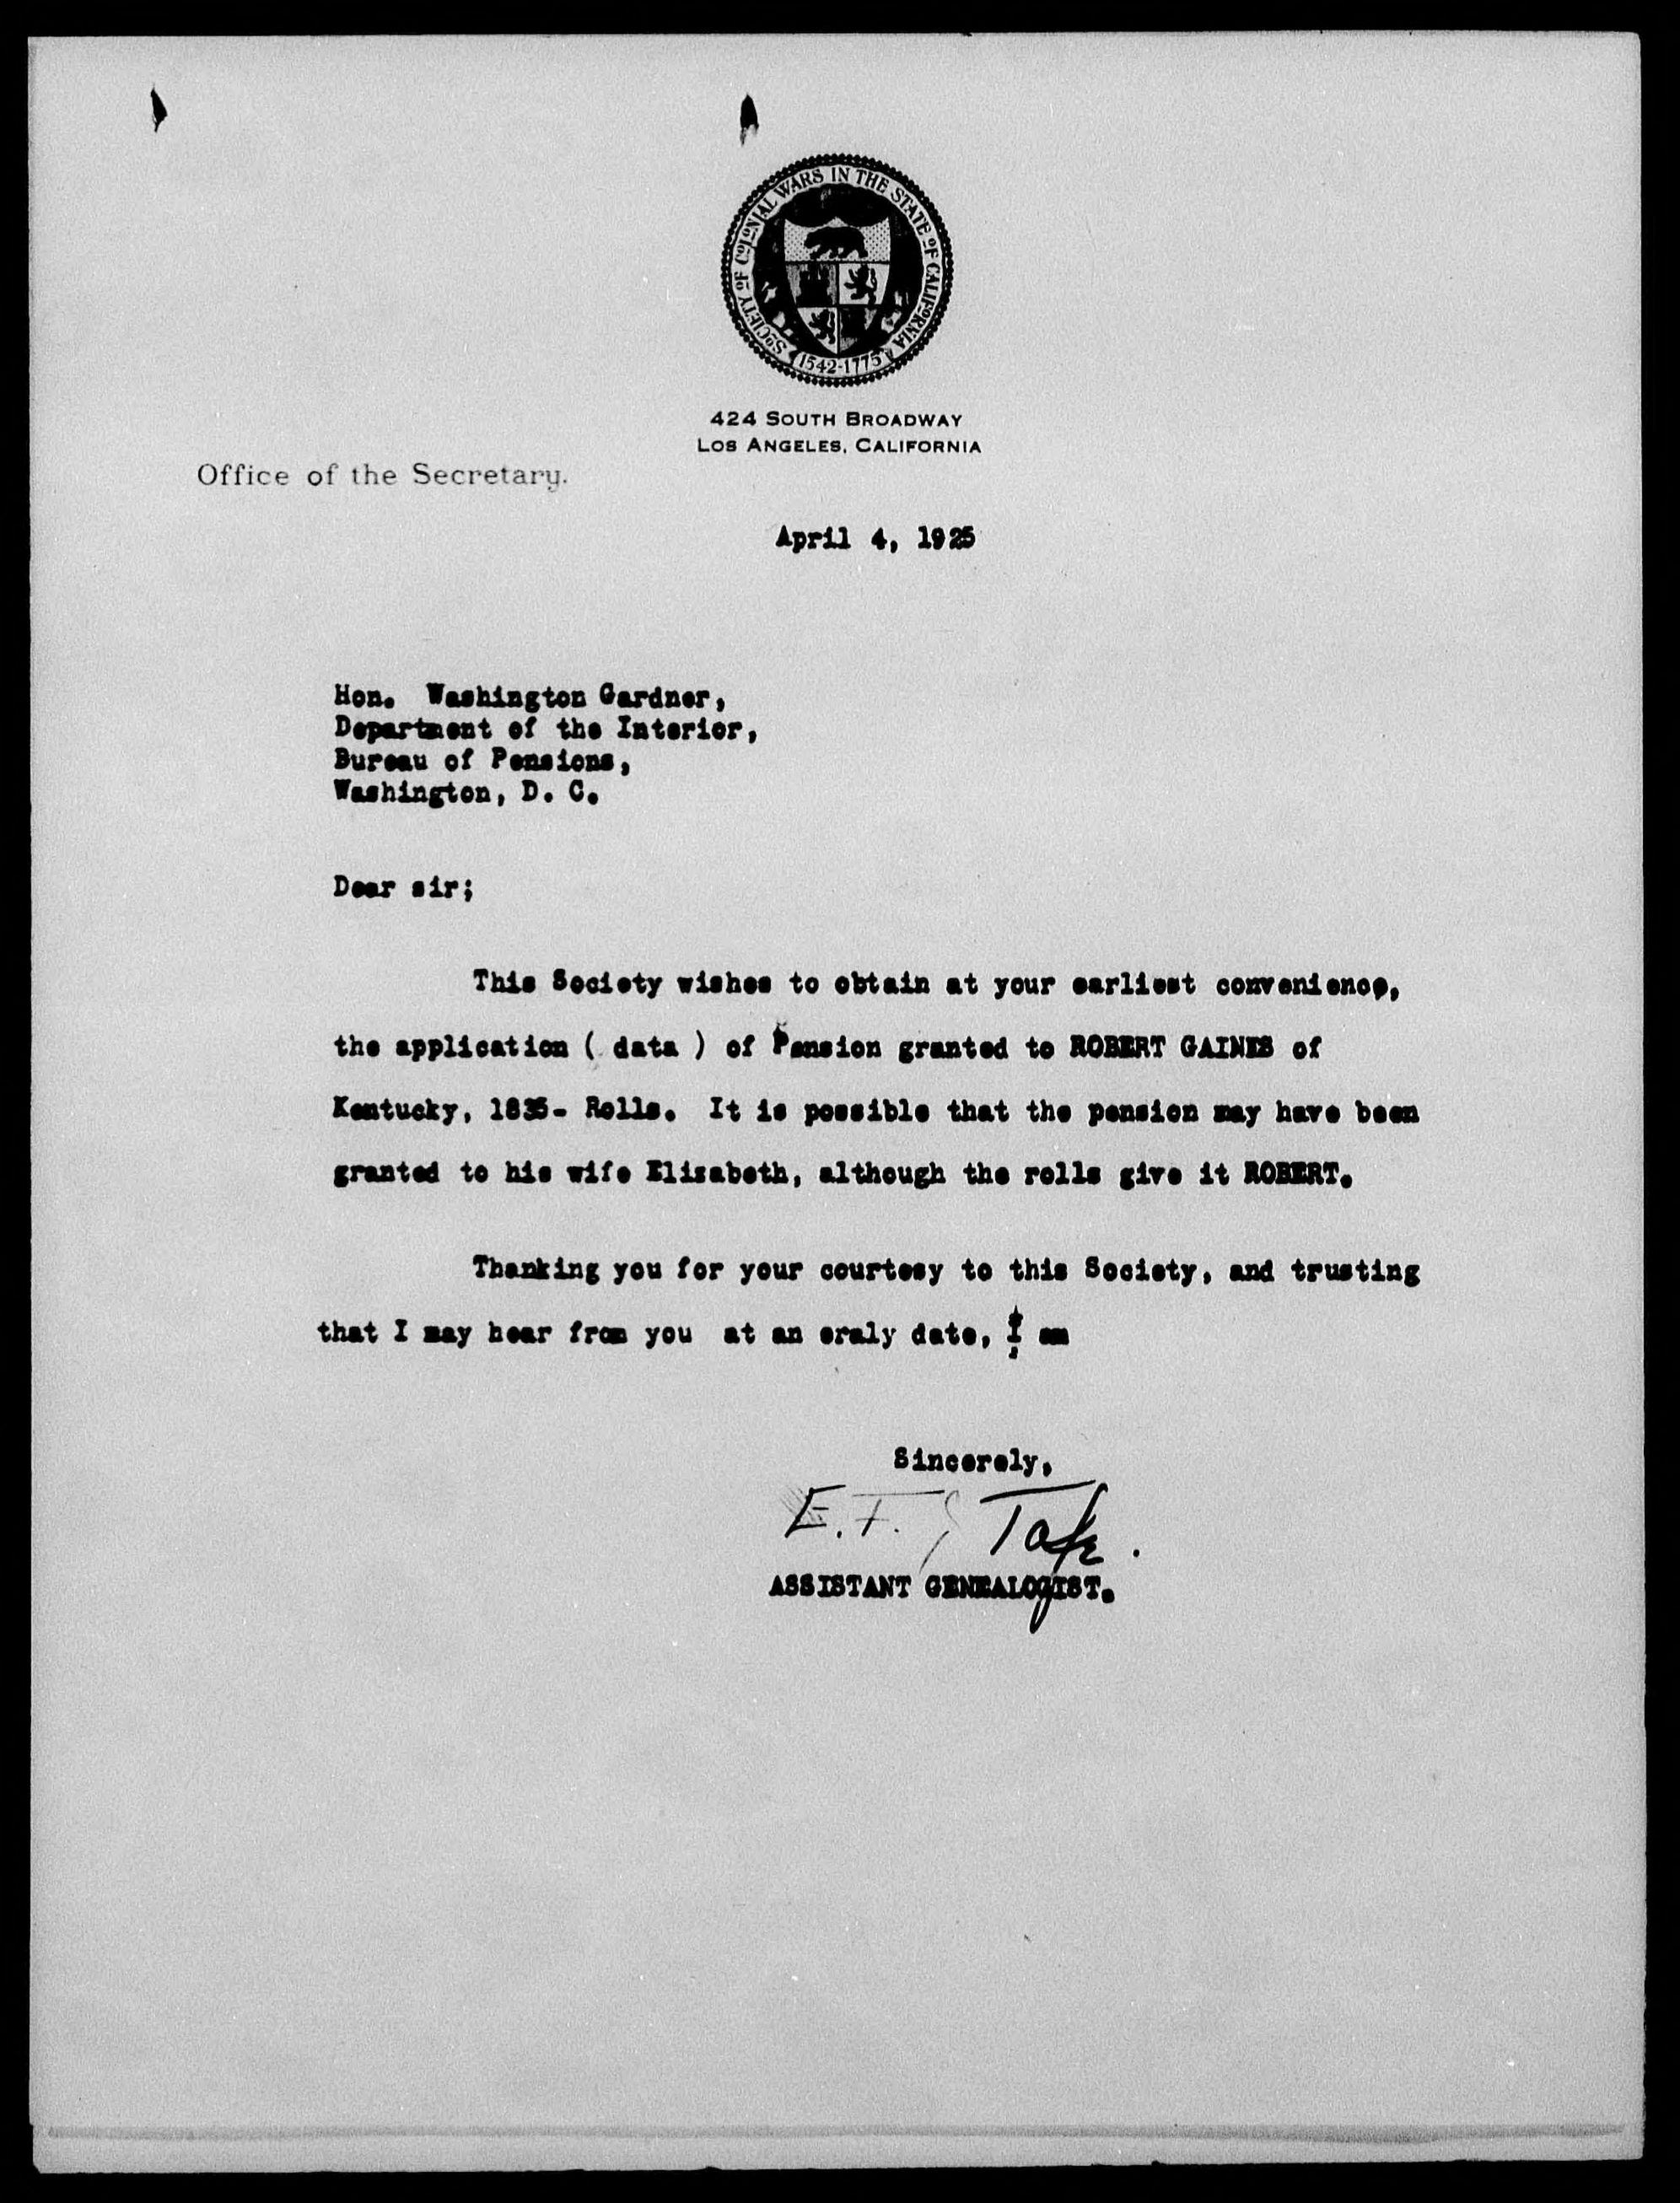[seal] SOCIETY OF COLONIAL WARS IN THE STATE OF CALIFORNIA 1542-1775 [/seal]
424 SOUTH BROADWAY
LOS ANGELES, CALIFORNIA
Office of the Secretary.
April 4, 1925
Hon. Washington Gardner,
Department of the Interior,
Bureau of Pensions,
Washington, D. C.
Dear sir;
This society wishes to obtain at your earliest convenience,
the application (data) of Pension granted to ROBERT GAINES of
Kentucky, 1835- Rolls. It is possible that the pension may have been
granted to his wife Elizabeth, although the rolls give it ROBERT.
Thanking you for your courtesy to this Society, and trusting
that I may hear from you at an eraly date, I am
Sincerely,
E.F. Tafe
ASSISTANT DENEALOGIST.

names: Robert, Washington Gardner, Robert Gaines, Elizabeth, E F J Tafe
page: 48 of 79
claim: rejected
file: R. 3863, Robert Gaines, Va.